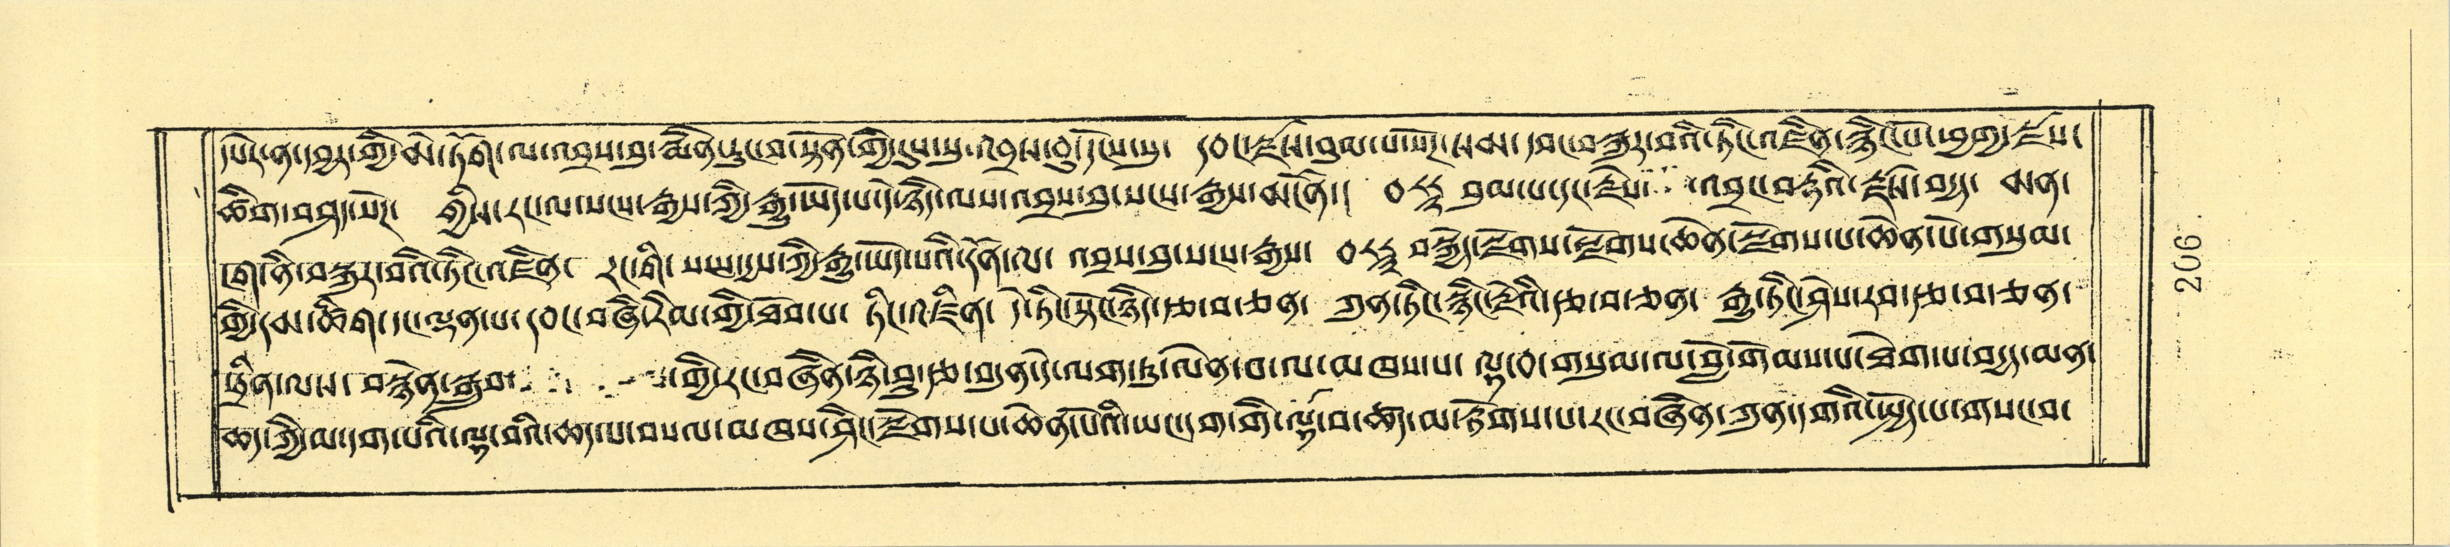དཔེར་ན་དབྱར་གྱི་༼མེ་ཏོག་༽ལ་འབྲས་བུ་སྨིན་རུང་བ་སྟོན་གྱི་དུས་སུ་༼འབྲས་བུ་༽དངོས་སུ། དབང་རྫས་བུམ་པ་སོགས་༼སམ་༽དབང་བསྐུར་བའི་ཏིང་འཛིན་སྙིང་པོ་ཕྱག་གྱ་རྫས་
ཚིག་བཤད་སོགས། ༼གྱིས་༽རང་ལ་སངས་རྒྱས་ཀྱི་རྒྱུ་ཡོད་པ་དེ་ཉིད་ལས་འབྲས་བུ་སངས་རྒྱས་མངོན། བ༨༨།༢ བུམ་པ་དང་རྗེས་འབྲང་བརྡའི་རྫས་བརྒྱད། མན་
ངག་ ནི་བསྐུར་བའི་ཏིང་འཛིན། རང་གི་སངས་རྒྱས་ཀྱི་རྒྱུ་ཡོད་པའི་དོན་ལ། འབྲས་བུ་སངས་རྒྱས་ བ༨༨།༣ བསྐྱེད་སྫོགས་སྫོགས་ཆེན་སྫོགས་པ་ཆེན་པོ་གསུམ་
གྱི་༼དམ་ཚིག་༽དང་ལྡན་པ་༼དབང་༽བཞི་རིམ་གྱི་ཐོབ་པ་༼ཏིང་འཛིན་༽དེ་ཏིང་སྟོང་ཉིད་རྩ་བ་ཅན། ཀུན་ཏིང་སྙིང་རྗེའི་རྩ་བ་ཅན། རྒྱུ་ཏིང་ཤེས་རབ་རྩ་བ་ཅན་
༼ཕྲིན་ལས་༽བསྙེན་སྒྲུབ་གྱི་རང་བཞིན་ཉི་ཤུ་རྩ་བདུན་དེ་ལག་ཏུ་ལེན་པ་ལ་མཁས་པ། ༼ལྟ་བ་༽གསུམ་ལ་བློ་གོམས་པ་ཐེག་པ་བརྒྱད་མན་
ཆད་ཀྱི་མ་དག་པའི་ལྟ་བའི་ཆད་པ་བསལ་མཁས་ཤིང་སྫོགས་པ་ཆེན་པོའི་ཡང་དག་གི་ལྟ་བ་ཚད་མ་རྟོགས་པ་རང་བཞིན་ཀུན་དགའི་སྤྱོད་པ་གསང་བ་